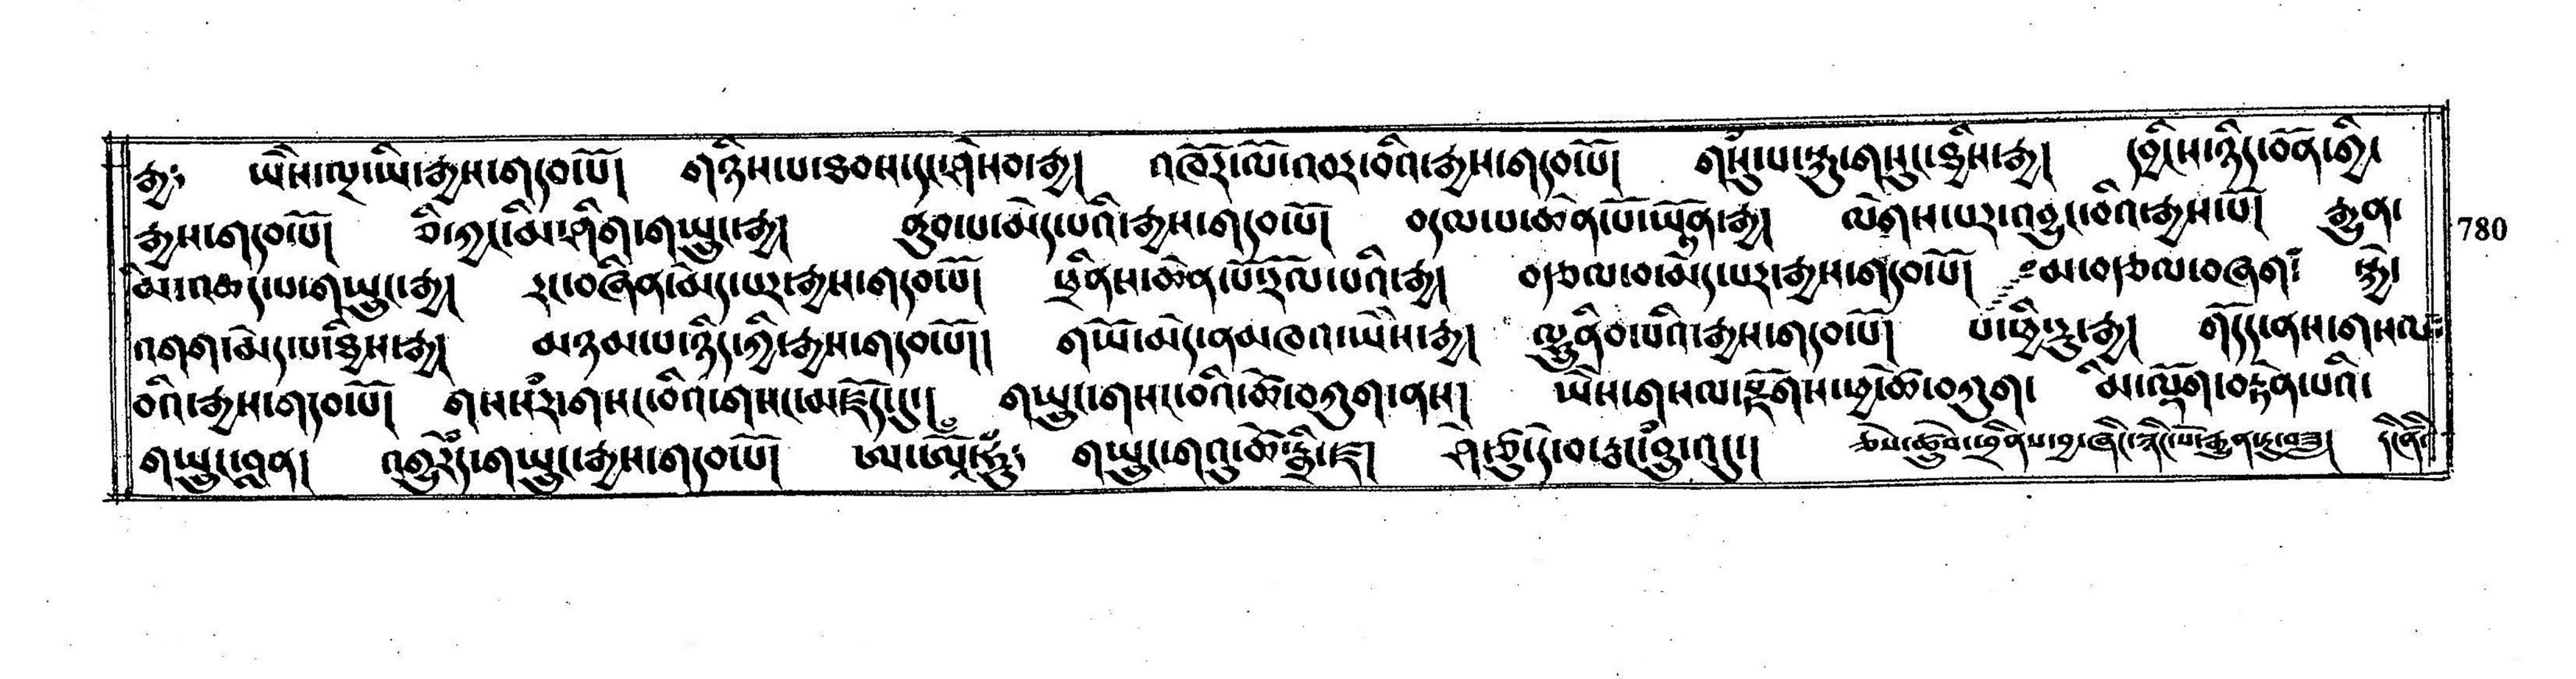རྒྱ། ཡེ་ཤེས་ལྔ་ཡི་རྒྱས་གདབ་པོ། གཉིས་པ་ཐབས་དང་ཤེས་རབ་རྒྱ། འཁོར་ལོ་འབར་བའི་རྒྱས་གདབ་པོ། གསུམ་པ་སྐུ་གསུང་ཐུགས་ཀྱི་རྒྱ། དབྱིངས་ཉིད་བོན་གྱི་
རྒྱས་གདབ་པོ། ཅི་ཀྱང་མི་ཤིག་གཡུང་དྲུང་རྒྱ། ནུབ་པ་མེད་པའི་རྒྱས་གདབ་པོ། བདལ་པ་ཆེན་པོ་ཡོན་ཏན་རྒྱ། ལེགས་པར་འབྱུང་བའི་རྒྱས་གདབ་བོ། རྒྱུན་
མི་འཆད་པ་གཡུང་དྲུང་རྒྱ། རང་བཞིན་མེད་པར་རྒྱས་གདབ་པོ། ཕྲིན་ལས་ཆེན་པོ་རོལ་པའི་རྒྱ། བརྩལ་བ་མེད་པར་རྒྱས་གདབ་པོ། སྐྱེ་
འགག་མེད་པ་ཐུགས་ཀྱི་རྒྱ། མཉམ་པ་ཉིད་ཀྱི་རྒྱས་གདབ་པོ།། གཡོ་མེད་ནམ་མཁའ་ཡེ་ཤེས་རྒྱ། ལྷུན་གྱིས་གྲུབ་པའི་རྒྱས་གདབ་པོ། མ་བརྩལ་བཞག་པ་ཕྱི་རུ་རྒྱ། གདོད་ནས་གསལ་
བའི་རྒྱས་གདབ་པོ། གསས་མཁར་གསང་བའི་གསང་མཛོད་དུ། གཡུང་དྲུང་གསང་བའི་ཚེ་བཀུག་ནས། ཡེ་ཤེས་གསལ་རྫོགས་ཕྱ་ཚེ་བཀུག མི་ལྡོག་བརྟེན་པའི་
གཡུང་དྲུང་བླན། འགྱུར་མེད་གཡུང་དྲུང་རྒྱས་གདབ་པོ། ཨ་ཨཱོཾ་ཧཱུཾ གཡུང་དྲུང་གའུ་ཚེ་རྣྲི་ཛ། ཤེ་ཙུ་དེ་བ་རྦང་བྲུཾ་འདུ། ཅེས་ཚེ་སྒྲུབ་ཕྲིན་ལས་བྱ་ཞིང་སྙིང་པོ་རྒྱུན་ཏུ་བཟླ། ཏིང་འཛིན་